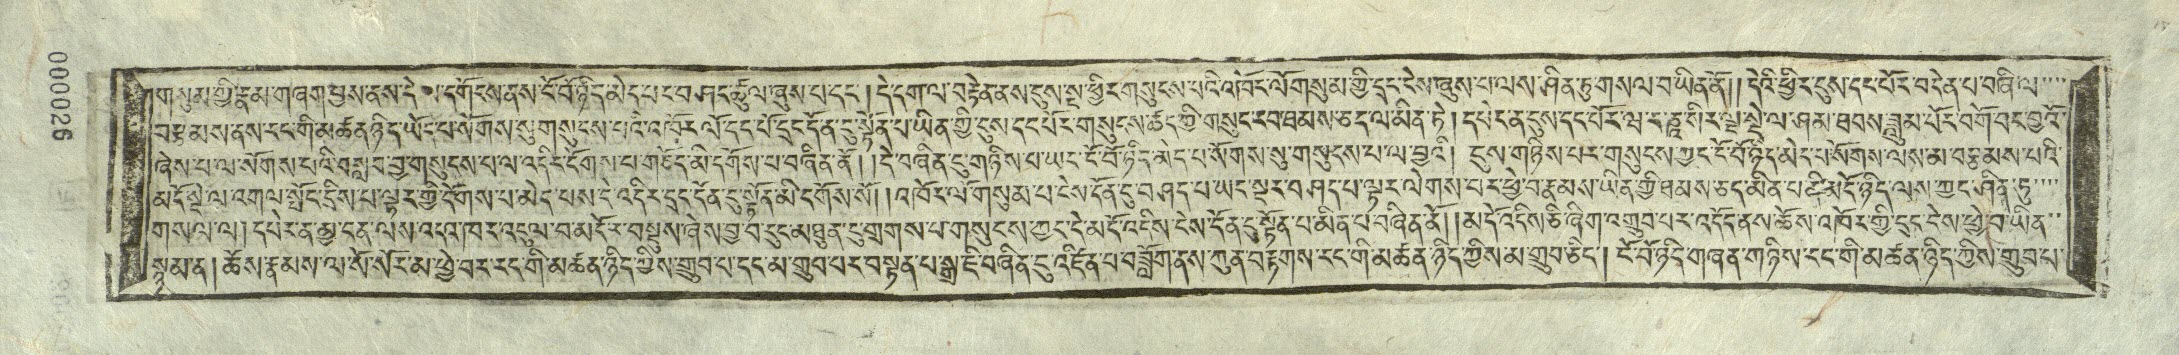གསུམ་གྱི་རྣམ་གཞག་བྱས་ནས་དེ་ལ་དགོངས་ནས་ངོ་བོ་ཉིད་མེད་པར་བཤད་ཚུལ་ཞུས་པ་དང་། དེ་དག་ལ་བརྟེན་ནས་དུས་སྔ་ཕྱིར་གསུངས་པའི་འཁོར་ལོ་གསུམ་གྱི་དྲང་ངེས་ཞུས་པ་ལས་ཤིན་ཏུ་གསལ་བ་ཡིན་ནོ། །དེའི་ཕྱིར་དུས་དང་པོར་བདེན་པ་བཞི་ལ་
བརྩམས་ནས་རང་གི་མཚན་ཉིད་ཡོད་པ་སོགས་སུ་གསུངས་པའི་འཁོར་ལོ་དང་པོ་དྲང་དོན་དུ་སྟོན་པ་ཡིན་གྱི་དུས་དང་པོར་གསུངས་ཚད་ཀྱི་གསུང་རབ་ཐམས་ཅད་ལ་མིན་ཏེ། དཔེར་ན་དུས་དང་པོར་ཝ་ར་ཎཱ་སིར་ལྔ་སྡེ་ལ་ཤམ་ཐབས་ཟླུམ་པོར་བགོ་བར་བྱའོ། །
ཞེས་པ་ལ་སོགས་པའི་བསླབ་བྱ་གསུངས་པ་ལ་འདིར་དོགས་པ་གཅོད་མི་དགོས་པ་བཞིན་ནོ། །དེ་བཞིན་དུ་གཉིས་པ་ཡང་ངོ་བོ་ཉིད་མེད་པ་སོགས་སུ་གསུངས་པ་ལ་བྱའི། དུས་གཉིས་པར་གསུངས་ཀྱང་ངོ་བོ་ཉིད་མེད་པ་སོགས་ལས་མ་བརྩམས་པའི་
མདོ་སྡེ་ལ་འགལ་སྤོང་དྲིས་པ་ལྟར་གྱི་དོགས་པ་མེད་པས་དེ་འདིར་དྲང་དོན་དུ་སྟོན་མི་དགོས་སོ། །འཁོར་ལོ་གསུམ་པ་ངེས་དོན་དུ་བཤད་པ་ཡང་སྔར་བཤད་པ་ལྟར་ལེགས་པར་ཕྱེ་བ་རྣམས་ཡིན་གྱི་ཐམས་ཅད་མིན་པ་ནི་མདོ་ཉིད་ལས་ཀྱང་ཤིན་ཏུ་
གསལ་ལ། དཔེར་ན་མྱ་ངན་ལས་འདའ་ཁར་འདུལ་བ་མདོར་བསྡུས་ཞེས་བྱ་བ་རུང་མཐུན་དུ་གྲགས་པ་གསུངས་ཀྱང་དེ་མདོ་འདིས་ངེས་དོན་དུ་སྟོན་པ་མིན་པ་བཞིན་ནོ། །མདོ་འདིས་ཅི་ཞིག་འགྲུབ་པར་འདོད་ནས་ཆོས་འཁོར་གྱི་དྲང་ངེས་ཕྱེ་བ་ཡིན་
སྙམ་ན། ཆོས་རྣམས་ལ་སོ་སོར་མ་ཕྱེ་བར་རང་གི་མཚན་ཉིད་ཀྱིས་གྲུབ་པ་དང་མ་གྲུབ་པར་བསྟན་པ་སྒྲ་ཇི་བཞིན་དུ་འཛིན་པ་བཟློག་ནས་ཀུན་བརྟགས་རང་གི་མཚན་ཉིད་ཀྱིས་མ་གྲུབ་ཅིང་། ངོ་བོ་ཉིད་གཞན་གཉིས་རང་གི་མཚན་ཉིད་ཀྱིས་གྲུབ་པ་